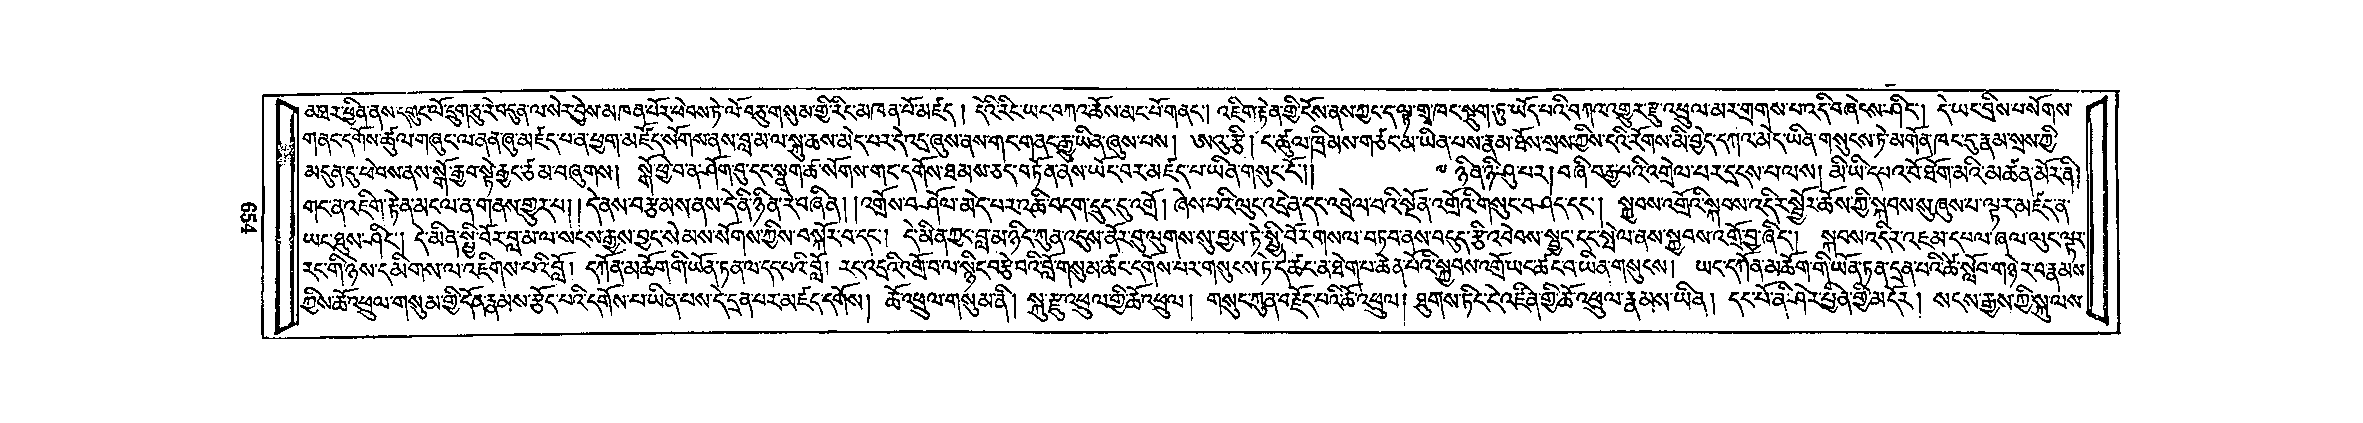མཐར་ཕྱིན་ནས་དགུང་ལོ་དྲུག་ཅུ་རེ་བདུན་ལ་སེར་བྱེས་མཁན་པོར་ཕེབས་ཏེ་ལོ་བཅུ་གསུམ་གྱི་རིང་མཁན་པོ་མཛད། དེའི་རིང་ཡང་བཀའ་ཆོས་མང་པོ་གནང་། འཇིག་རྟེན་གྱི་ངོས་ནས་ཀྱང་ད་ལྟ་གྲྭ་ཁང་སྡུག་ཏུ་ཡོད་པའི་བཀའ་འགྱུར་རྫུ་འཕྲུལ་མར་གྲགས་པ་འདི་བཞེངས་ཤིང་། དེ་ཡང་བྲིས་པ་སོགས་
གནང་དགོས་ཚུལ་གཞུང་ལ་ནན་ཞུ་མཛད་པ་ན་ཕྱག་མཛོད་སོགས་ནས་བླ་མ་ལ་སྐུ་ཆས་མེད་པར་དེ་འདྲ་ཞུས་ནས་གང་གནང་རྒྱུ་ཡིན་ཞུས་པས། ཨཱུ་རྩི། ང་ཚུལ་ཁྲིམས་གཙང་མ་ཡིན་པས་རྣམ་ཐོས་སྲས་ཀྱིས་ངའི་རོགས་མི་བྱེད་དཀའ་མེད་ཡིན་གསུངས་ཏེ་མགོན་ཁང་དུ་རྣམ་སྲས་ཀྱི་
མདུན་དུ་ཕེབས་ནས་སྒོ་རྒྱབ་སྟེ་རྒྱང་ཙམ་བཞུགས། སྒོ་ཕྱེ་བ་ན་ཤོག་བུ་དང་སྣག་ཚ་སོགས་གང་དགོས་ཐམས་ཅད་བཏོན་ནས་ཡོང་བར་མཛད་པ་ཡིན་གསུང་ངོ།། ༧ཉིན་ཉི་ཤུ་པར། བཞི་བརྒྱ་པའི་འགྲེལ་པར་དྲངས་པ་ལས། མི་ཡི་དཔའ་བོ་ཐོག་མའི་མཚན་མོར་ནི།
གང་ན་འཇིག་རྟེན་མངལ་ན་གནས་གྱུར་པ། །དེ་ནས་བརྩམས་ནས་དེ་ནི་ཉིན་རེ་བཞིན། །འགྲོས་བཤོལ་མེད་པར་འཆི་བདག་དྲུང་དུ་འགྲོ་།ཞེས་པའི་ལུང་འདྲེན་དང་འབྲེལ་བའི་སྔོན་འགྲོའི་གསུང་བཤད་དང་། སྐྱབས་འགྲོའི་སྐབས་འདིར་སྦྱོར་ཆོས་ཀྱི་སྐབས་སུ་ཞུས་པ་ལྟར་མཛད་ན་
ཡང་ཐུས་ཤིང་། དེ་མིན་སྤྱི་བོར་བླ་མ་ལ་སངས་རྒྱས་བྱང་སེམས་སོགས་ཀྱིས་བསྐོར་བ་དང་། དེ་མིན་ཀྱང་བླ་མ་ཉིད་ཀུན་འདུས་ནོར་བུ་ལུགས་སུ་བྱས་ཏེ་སྤྱི་བོར་གསལ་བཏབ་ནས་བདུད་རྩི་འབེབས་སྦྱང་དང་སྤེལ་ནས་སྐྱབས་འགྲོ་བྱ་ཞིང་། སྐབས་འདིར་འཇམ་དཔལ་ཞལ་ལུང་ལྟར་
རང་གི་ཉེས་དམིགས་ལ་འཇིགས་པའི་བློ། དཀོན་མཆོག་གི་ཡོན་ཏན་ལ་དད་པའི་བློ། རང་འདྲའི་འགྲོ་བ་ལ་སྙིང་བརྩེ་བའི་བློ་གསུམ་ཚང་དགོས་པར་གསུངས་ཏེ་དེ་ཚང་ན་ཐེག་པ་ཆེན་པོའི་སྐྱབས་འགྲོ་ཡང་ཚང་བ་ཡིན་གསུངས། ཡང་དཀོན་མཆོག་གི་ཡོན་ཏན་དྲན་པའི་ཚེ་སློབ་གཉེར་བ་རྣམས་
ཀྱིས་ཆོ་འཕྲུལ་གསུམ་གྱི་དོན་རྣམས་རྩོད་པའི་དགོས་པ་ཡིན་པས་དེ་དྲན་པར་མཛད་དགོས། ཆོ་འཕྲུལ་གསུམ་ནི། སྐུ་རྫུ་འཕྲུལ་གྱི་ཆོ་འཕྲུལ། གསུང་ཀུན་བརྗོད་པའི་ཆོ་འཕྲུལ། ཐུགས་ཏིང་ངེ་འཛིན་གྱི་ཆོ་འཕྲུལ་རྣམས་ཡིན། དང་པོ་ནི་ཤེར་ཕྱིན་གྱི་མདོར། སངས་རྒྱས་ཀྱི་སྐུ་ལས་